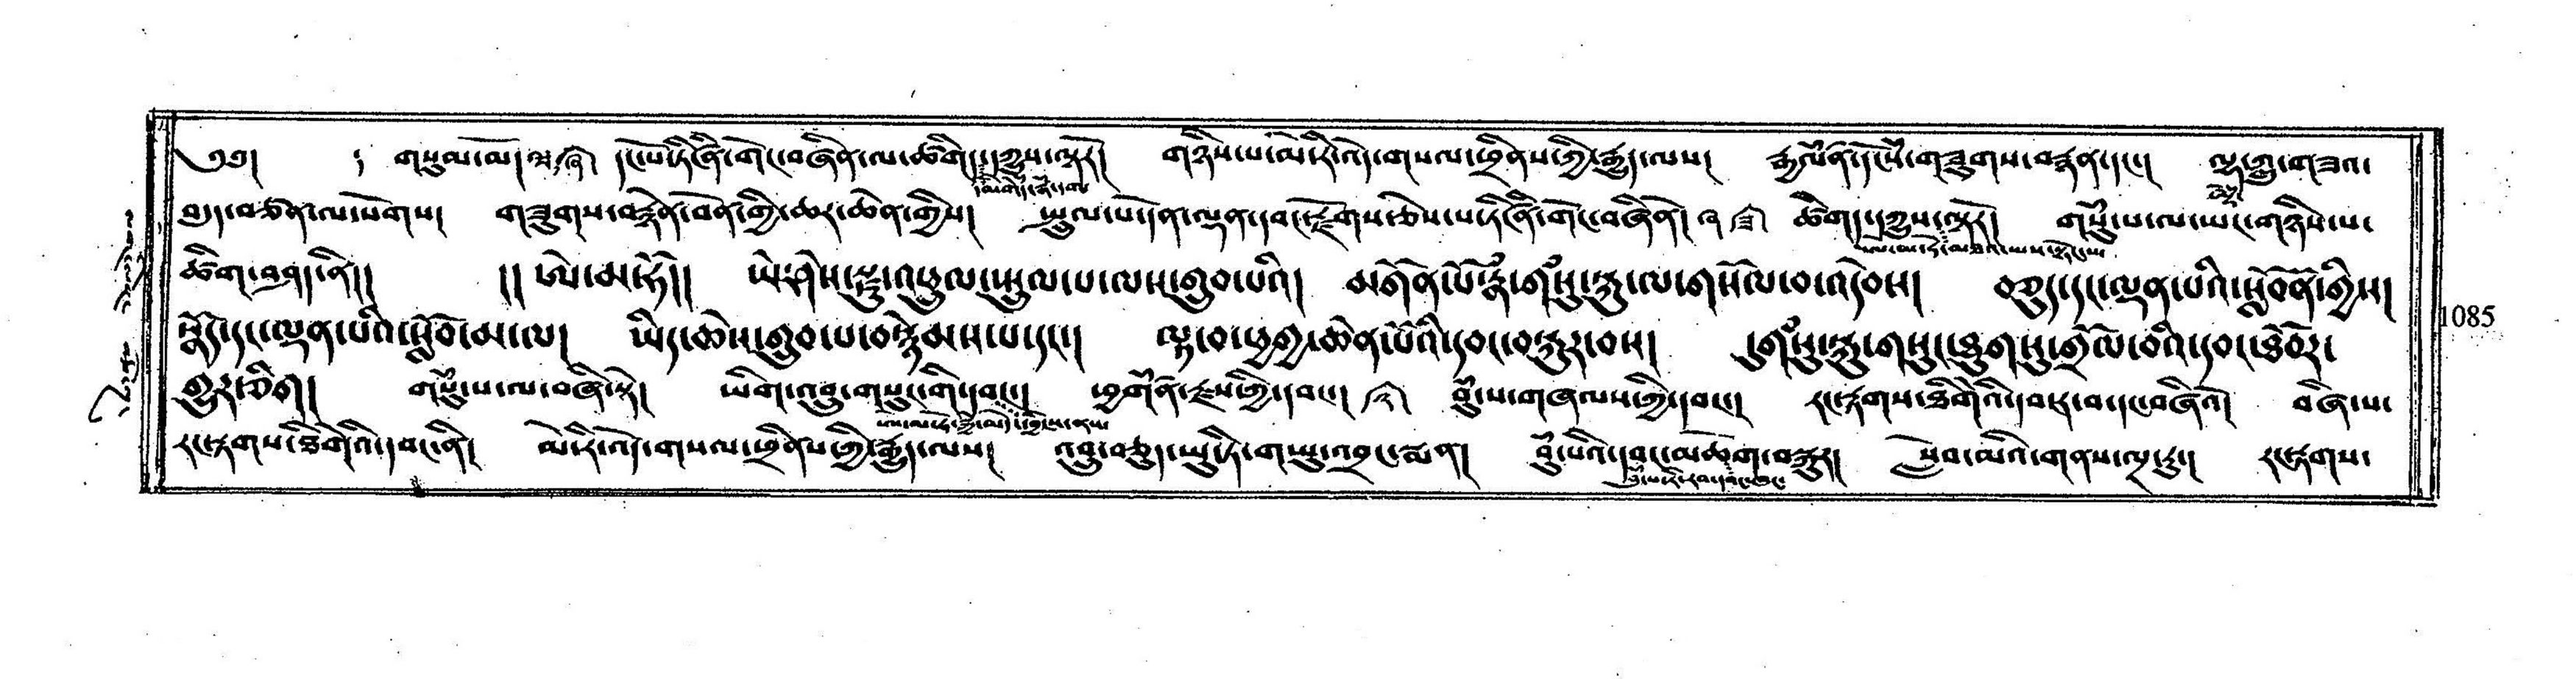གསུམ་མོ། ཝ༼ཞ༽ དང་པོ་ཏིང་འཛིན་གོང་བཞིན་ལ་ཚིག་བཤད་དམིགས་མེད་རྣམ་དག་དཀྱུས་ལྟར་རོ། གཉིས་པ་མེ་རི་འོད་གསལ་ཕྲིན་ལས་ཀྱི་རྒྱུད་ལས། རྒྱལ་མཚན་དངོས་སམ་གཟུགས་བརྙན་དང་། ཨེ་མ་ཧོ་ལྷ་ཀླུ་གཟའ་
བདུད་བཙན་ལ་སོགས། གཟུགས་བརྙེན་བོན་གྱི་ཆར་ཆེན་གྱིས། སྤྲུལ་པ་དོན་ལྡན་དབང་རྫོགས་ཅེས་པ་ཏིང་འཛིན་གོང་བཞིན་ནོ། ཞ༼ཟ༽ ཚིག་བཤད་དཀྱུས་ཨེ་མ་ཧོ་མཐའ་ཡས་སྟོང་པ་ལྟར་རོ། གསུམ་པ་ལ་ཡང་གཉིས་པ་
ཚིག་བཤད་ནི།། །།ཨེ་མ་ཧོ།། ཡེ་ཤེས་རྫུ་འཕྲུལ་སྤྲུལ་པ་ལས་གྲུབ་པའི། མགོན་པོ་རྣམ་གསུམ་སྐུ་ལ་གསོལ་བ་འདེབས། བཅུད་དང་ལྡན་པའི་སློབ་དཔོན་གྱིས། 
སྣོད་དང་ལྡན་པའི་སློབ་མ་ལ། ཡིད་ཆེས་གྲུབ་པ་བསྙེམས་པ་དང་། ལྟ་བ་ཕྱག་རྒྱ་ཆེན་པོའི་དབང་བསྐུར་བས། དུག་གསུམ་སྐུ་གསུང་ཐུགས་སུ་གྲོལ་བའི་དབང་ཐོབ་པར་
གྱུར་ཅིག གསུམ་པ་ལ་བཞི་སྟེ། ཡིག་འབྲུ་གསུང་གི་དབང་།ཨེ་མ་ཧོ་སྐྱེ་མེད་དབྱིངས་ནས་ཕྱག་མཚན་རྫས་ཀྱི་དབང་། ༼༢༽ བུམ་པ་གཞལ་ཡས་ཀྱི་དབང་། རང་རྟགས་ཐིག་ལེའི་དབང་བསྐུར་བ་དང་བཞིའོ། བཞི་པ་
རང་རྟགས་ཐིག་ལེའི་དབང་ནི། མེ་རི་འོད་གསལ་ཕྲིན་ལས་ཀྱི་རྒྱུད་ལས། འབྲུ་བཅུད་ཡུ་ཏི་གཡུ་འབྲང་སྨན། བུམ་པའི་དབང་མཆོག་བསྐུར།བུམ་པ་རི་རབ་དབང་ཁང་སློབ་མའི་གནས་ལྔ་རུ། རང་རྟགས་